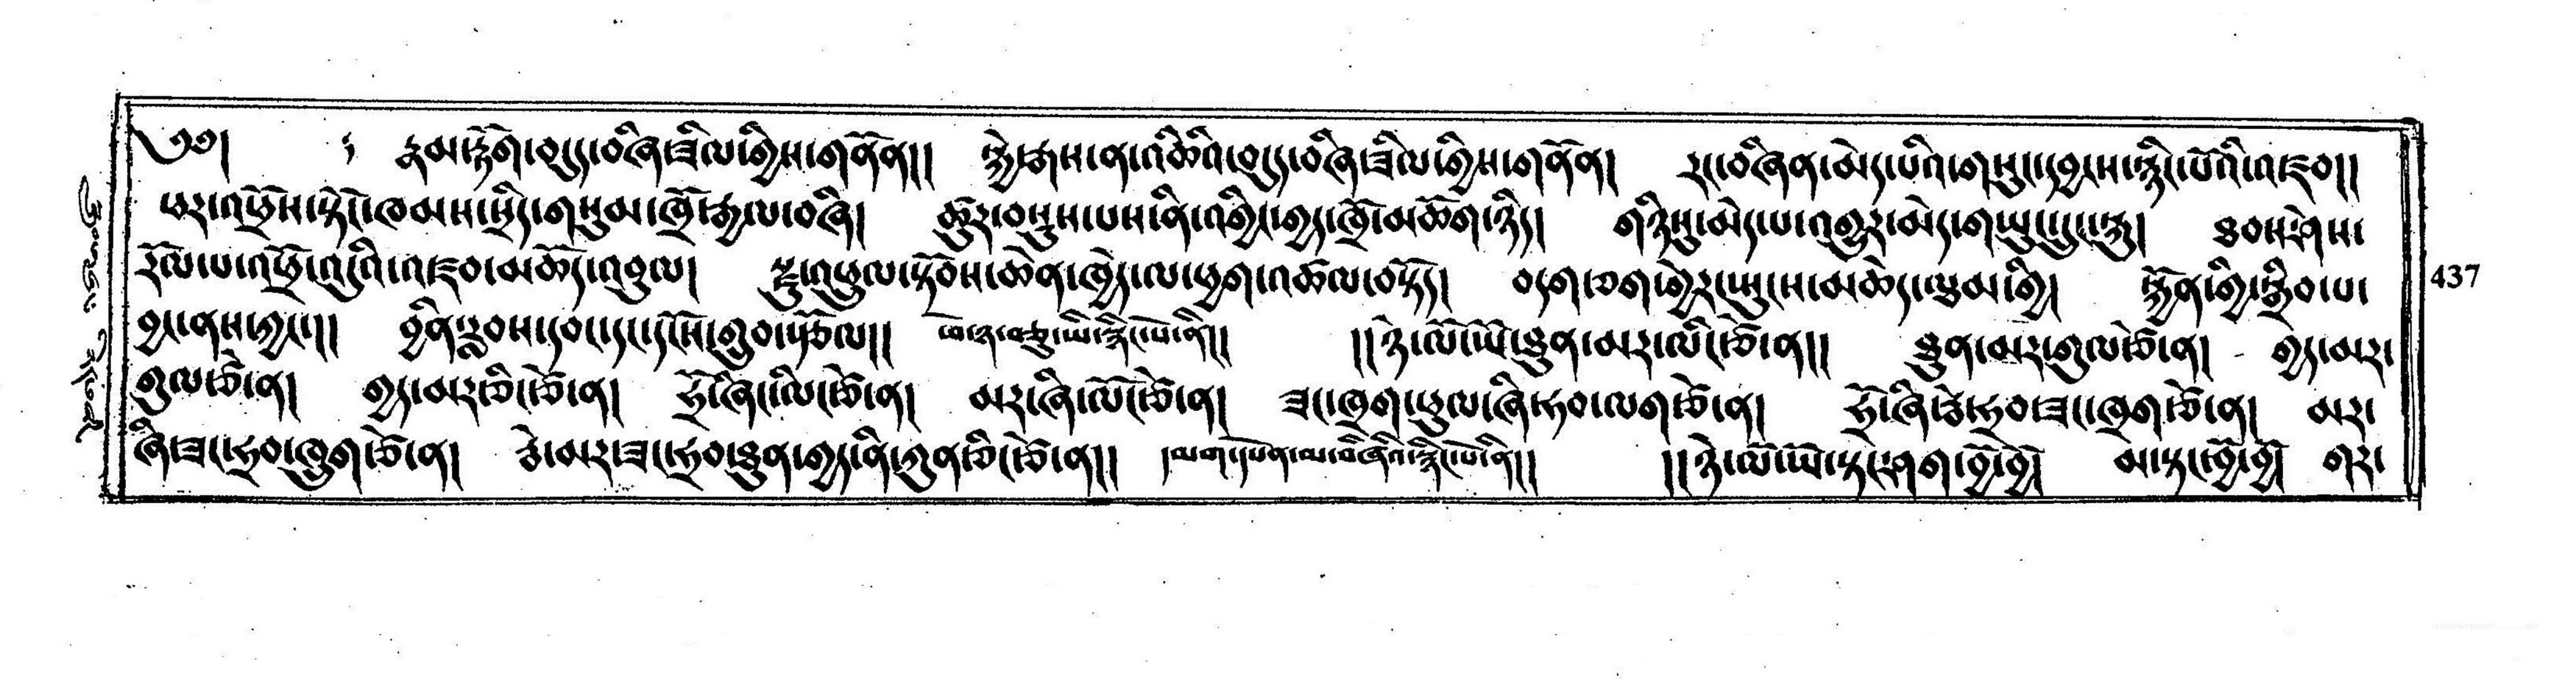རྣམ་རྟོག་བདུད་བཞི་ཟིལ་གྱིས་གནོན།། སྐྱེ་རྒས་ན་འཆིའི་བདུད་བཞི་ཟིལ་གྱིས་གནོན། རང་བཞིན་མེད་པའི་གསུང་དབྱངས་སྙིང་པོའི་འཛབ། 
ཕར་འཕྲོས་སྟོང་ཁམས་སྲིད་གསུམ་ཁྲོ་རྒྱལ་བཞི། ཚུར་བསྡུས་པ་ནི་འགྱིང་གྱད་ཁྲོ་མཆོག་ཉིད། གཉིས་སུ་མེད་པ་འགྱུར་མེད་གཡུང་དྲུང་སྐུ། {450}ཐབས་ཤེས་
རོལ་པ་འཕྲོ་འདུའི་འཛབ་མཆོད་འབུལ། རྫུ་འཕྲུལ་སྟོབས་ཆེན་ཁྱེད་ལ་ཕྱག་འཚལ་བསྟོད། བདག་ཅག་གྱེར་སྤུངས་མཆེད་ལྕམ་གྱི། སྐྱོན་གྱི་སྒྲིབ་པ་
བྱང་ནས་ཀྱང་།། བྱིན་རླབས་དབང་དང་དངོས་གྲུབ་སྩོལ།། ཕོ་ཉ་བཅུ་ཡི་སྙིང་པོ་ནི།། །།ཉེ་ལོ་ཡོ་ཐུན་མར་ལིང་ཙེ་ན།། ཐུན་མར་གུལ་ཙེ་ན། གྱད་མར་
གུལ་ཙེ་ན། གྱད་མར་ཅིང་ཙེ་ན། ཧྲོ་ཞིང་ལིང་ཙེ་ན། མར་ཞི་ལོང་ཙེ་ན། ཟང་ཁྲག་ཕུལ་ཞི་ཧབ་ལག་ཙེ་ན། ཧྲོ་ཞི་རྦེ་ཧྲབ་ཟང་ཁྲག་ཙེ་ན། མར་
ཞི་ཟང་ཧྲབ་ཁྲུག་ཙེ་ན། རྦེ་མར་ཟང་ཧྲབ་ཐུན་གྱད་ནི་ཀུན་ཅིང་ཙེ་ན།། དམག་དཔོན་མ་བཞིའི་སྙིང་པོ་ནི། ཉེ་ལོ་ཡོ་སྟང་ཤག་བྱོ་བྱོ། མ་སྟང་བྱོ་བྱོ། གར་